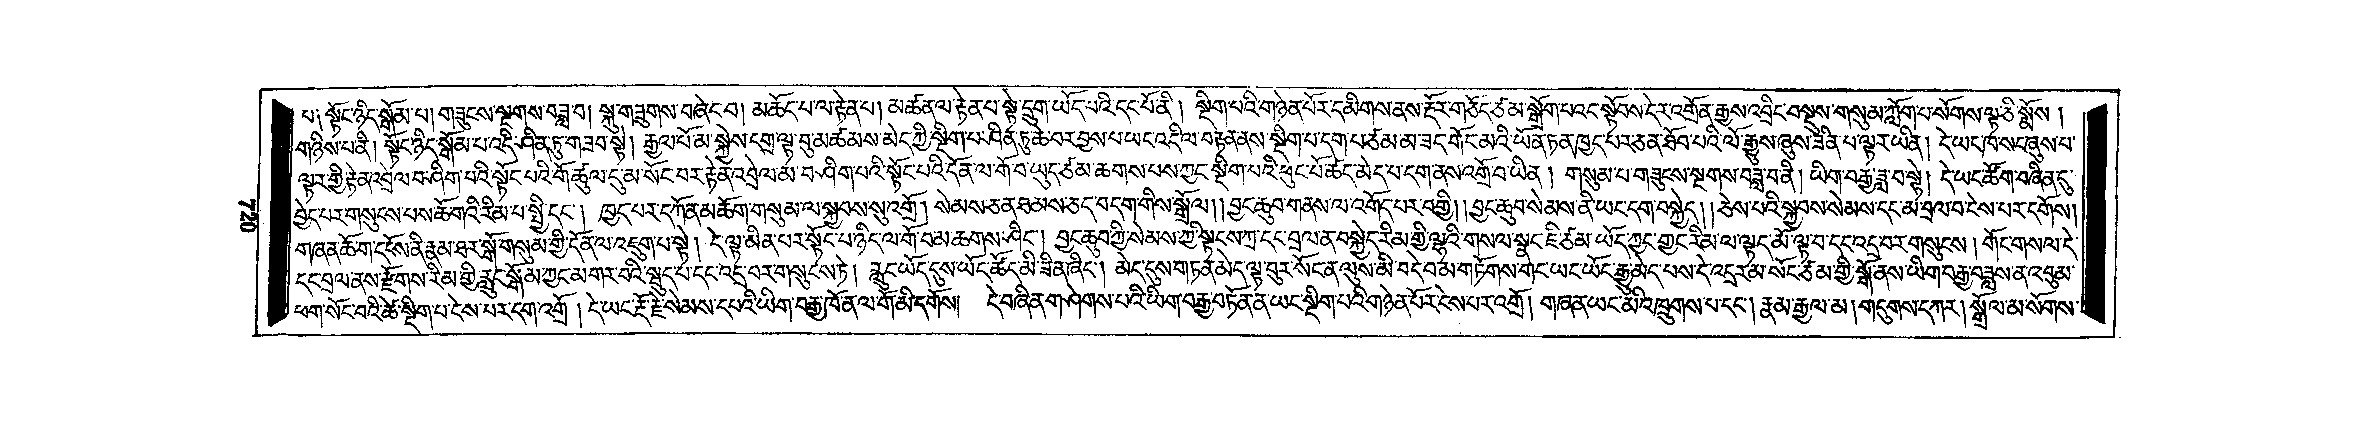པ། སྟོང་ཉིད་སྒོམ་པ། གཟུངས་སྔགས་བཟླ་བ། སྐུ་གཟུགས་བཞེང་བ། མཆོད་པ་ལ་རྟེན་པ། མཚན་ལ་རྟེན་པ་སྟེ་དྲུག་ཡོད་པའི་དང་པོ་ནི། སྡིག་པའི་གཉེན་པོར་དམིགས་ནས་རྡོར་གཅོད་ཙམ་སྒྲོག་པའང་སྟོབས་དེར་འགྲོན་རྒྱས་འབྲིང་བསྡུས་གསུམ་ཀློག་པ་སོགས་ལྟ་ཅི་སྨོས།
གཉིས་པ་ནི། སྟོང་ཉིད་སྒོམ་པ་འདི་ཤིན་ཏུ་གཟབ་སྟེ། རྒྱལ་པོ་མ་སྐྱེས་དགྲ་ལྟ་བུ་མཚམས་མེད་ཀྱི་སྡིག་པ་ཤིན་ཏུ་ཆེ་བར་བྱས་པ་ཡང་འདི་ལ་བརྟན་ནས་སྡིག་པ་དག་པ་ཙམ་མ་ཟད་གོང་མའི་ཡོན་ཏན་ཁྱད་པར་ཅན་ཐོབ་པའི་ལོ་རྒྱུས་ཞུས་ཟིན་པ་ལྟར་ཡིན། དེ་ཡང་ཁ་སང་ཞུས་པ་
ལྟར་གྱི་རྟེན་འབྲེལ་བ་ཤིག་པའི་སྟོང་པའི་གོ་ཚུལ་དུ་མ་སོང་བར་རྟེན་འབྲེལ་མ་བཤིག་པའི་སྟོང་པའི་དོན་ལ་གོ་བ་ཡུད་ཙམ་ཆགས་པས་ཀྱང་སྡིག་པའི་ཕུང་པོ་ཚད་མེད་པ་དག་ནས་འགྲོ་བ་ཡིན། གསུམ་པ་གཟུངས་སྔགས་བཟླ་བ་ནི། ཡིག་བརྒྱ་ཟླ་བ་སྟེ། དེ་ཡང་ཚོག་བཞིན་དུ་
བྱེད་པར་གསུངས་པས་ཆོ་གའི་རིམ་པ་སྤྱི་དང་། ཁྱད་པར་དཀོན་མཆོག་གསུམ་ལ་སྐྱབས་སུ་འགྲོ། སེམས་ཅན་ཐམས་ཅད་བདག་གིས་སྒྲོལ། །བྱང་ཆུབ་གནས་ལ་འགོད་པར་བགྱི། །བྱང་ཆུབ་སེམས་ནི་ཡང་དག་བསྐྱེད། །ཅེས་པའི་སྐྱབས་སེམས་དང་མ་བྲལ་བ་ངེས་པར་དགོས།
གཞན་ཆོ་ག་དངོས་ནི་རྣམ་ཐར་སྒོ་གསུམ་གྱི་དོན་ལ་འཇུག་པ་སྟེ། དེ་ལྟ་མིན་པར་སྟོང་པ་ཉིད་ལ་གོ་བམ་ཆགས་ཤིང་། བྱང་ཆུབ་ཀྱི་སེམས་ཀྱི་སྟངས་ཀྲ་དང་བྲལ་ན་བསྐྱེད་རིམ་གྱི་ལྷའི་གསལ་སྣང་ཇི་ཙམ་ཡོད་ཀྱང་གྱང་རིམ་ལ་ལྟད་མོ་ལྟ་བ་དང་འདྲ་བར་གསུངས། གོང་གསལ་དེ་
དང་བྲལ་ནས་རྫོགས་རིམ་གྱི་རླུང་སྒོམ་ཀྱང་མགར་བའི་སྦུད་པ་དང་འདྲ་བར་གསུངས་ཏེ། རླུང་ཡོད་དུས་ཡོད་ཚོད་མི་ཟིན་ཞིང་། མེད་དུས་གཏན་མེད་ལྟ་བུར་སོང་ན་ལུས་མི་བདེ་བ་མ་གཏོགས་གང་ཡང་ཡོང་རྒྱུ་མེད་པས་དེ་འདྲར་མ་སོང་ཙམ་གྱི་སྒོ་ནས་ཡིག་བརྒྱ་བཟླས་ན་འབུམ་
ཕག་སོང་བའི་ཚེ་སྡིག་པ་ངེས་པར་དག་འགྲོ་།དེ་ཡང་རྡོ་རྗེ་སེམས་དཔའི་ཡིག་བརྒྱ་ཁོ་ན་ལ་གོ་མི་དགོས། དེ་བཞིན་གཤེགས་པའི་ཡིག་བརྒྱ་བཏོན་ན་ཡང་སྡིག་པའི་གཉེན་པོར་ངེས་པར་འགྲོ་།གཞན་ཡང་མི་འཁྲུགས་པ་དང་། རྣམ་རྒྱལ་མ། གདུགས་དཀར། སྒྲོལ་མ་སོགས་